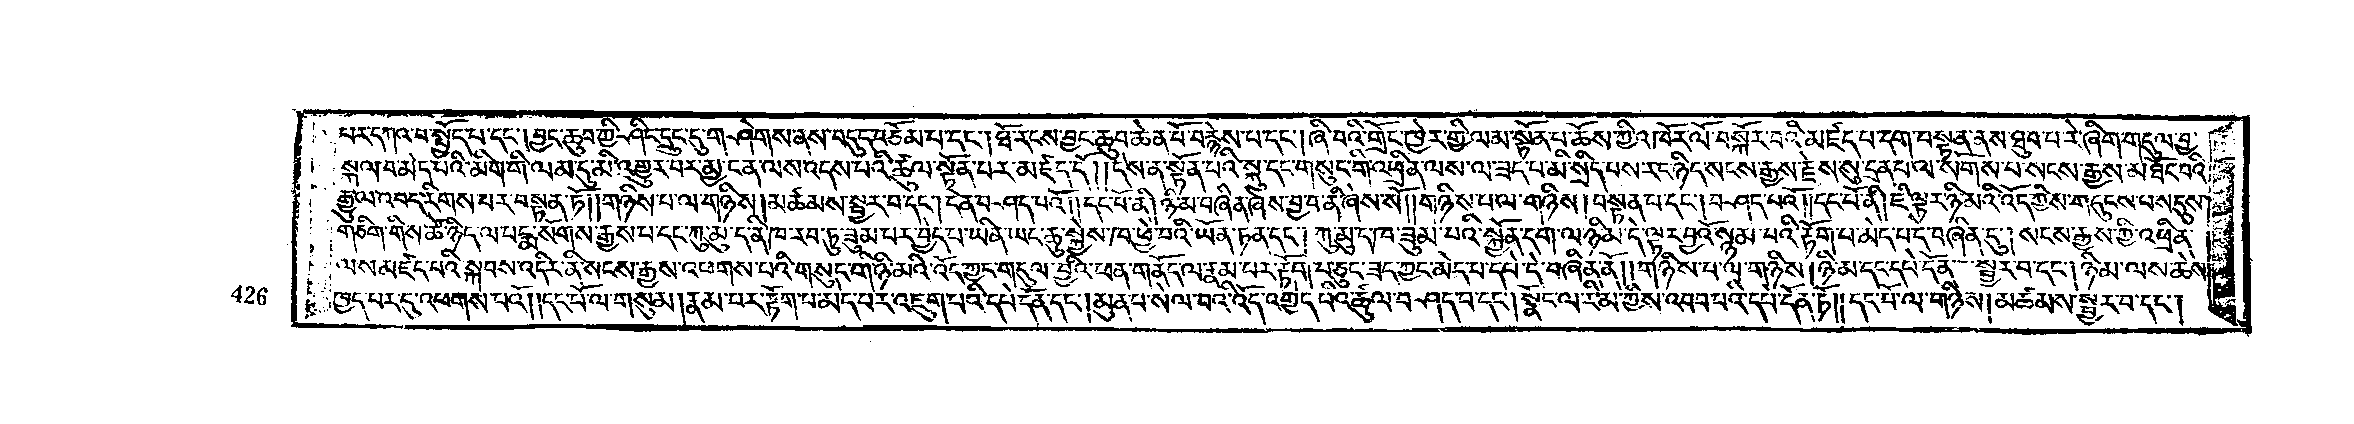པར་དཀའ་བ་སྤྱོད་པ་དང་། བྱང་ཆུབ་ཀྱི་ཤིང་དྲུང་དུ་གཤེགས་ནས་འདུད་བཅོམ་པ་དང་། ཐོ་རངས་བྱང་ཆུབ་ཆེན་པོ་བརྙེས་པ་དང་། ཞི་བའི་གྲོང་ཁྱེར་གྱི་ལམ་སྟོན་པ་ཆོས་ཀྱི་འཁོར་ལོ་བསྐོར་བའི་མཛད་པ་དག་བསྟན་ནས་ཐུབ་པ་རེ་ཞིག་གདུལ་བྱ་
སྐལ་བ་མེད་པའི་མིག་གི་ལམ་དུ་མི་འགྱུར་པར་མྱ་ངན་ལས་འདས་པའི་ཚུལ་སྟོན་པར་མཛད་དོ། །དེས་ན་སྟོན་པའི་སྐུ་དང་གསུང་གི་འཕྲིན་ལས་ལ་ཟད་པ་མི་སྲིད་པས་རང་ཉིད་སངས་རྒྱས་རྗེས་སུ་དྲན་པ་ལ་སོགས་པ་སངས་རྒྱས་མཐོང་བའི་
རྒྱུལ་འབད་རིགས་པར་བསྟན་ཏོ། །གཉིས་པ་ལ་གཉིས། མཚམས་སྦྱར་བ་དང་། དོན་བཤད་པའོ། །དང་པོ་ནི། ཉི་མ་བཞིན་ཞེས་བྱ་བ་ནི་ཞེས་སོ། །གཉིས་པ་ལ་གཉིས། བསྟན་པ་དང་། བཤད་པའོ། །དང་པོ་ནི། ཇི་ལྟར་ཉི་མའི་འོད་ཀྱིས་གདུངས་པས་དུས་
གཅིག་གིས་ཚེ་ཉིད་ལ་པདམ་སོགས་རྒྱས་པ་དང་ཀུན་མུ་ད་ནི་ཁ་རབ་ཏུ་ཟུམ་པར་བྱེད་པ་ཡིན་ཡང་ཆུ་སྐྱེས་ཁ་ཕྱེ་བའི་ཡོན་ཏན་དང་། ཀུ་མུ་ད་ཁ་ཟུམ་པའི་སྐྱོན་དག་ལ་ཉི་མ་དེ་ལྟར་བྱའོ་སྙམ་པའི་རྟོག་པ་མེད་པ་དེ་བཞིན་དུ། སངས་རྒྱས་ཀྱི་འཕྲིན་
ལས་མཛད་པའི་སྐབས་འདིར་ནི་སངས་རྒྱས་འཕགས་པའི་གསུང་གི་ཉི་མའི་འོད་ཀྱང་གདུལ་བྱའི་ཕན་གནོད་ལ་རྣམ་པར་རྟོག་པ་ཅུང་ཟད་ཀྱང་མེད་པ་དཔེ་དེ་བཞིན་ནོ། །གཉིས་པ་ལ་གཉིས། ཉི་མ་དང་དཔེ་དོན་སྦྱར་བ་དང་། ཉི་མ་ལས་ཆེས་
ཁྱད་པར་དུ་འཕགས་པའོ། །དང་པོ་ལ་གསུམ། རྣམ་པར་རྟོག་པ་མེད་པར་འཇུག་པའི་དཔེ་དོན་དང་། མུན་པ་སེལ་བའི་འོད་འགྱེད་པའི་ཚུལ་བཤད་པ་དང་། སྣོང་ལ་རི་མ?་གྱིས་འབབ་པའི་དཔེ་དོན་ཏོ། །དང་པོ་ལ་གཉིས། མཚམས་སྦྱར་བ་དང་།